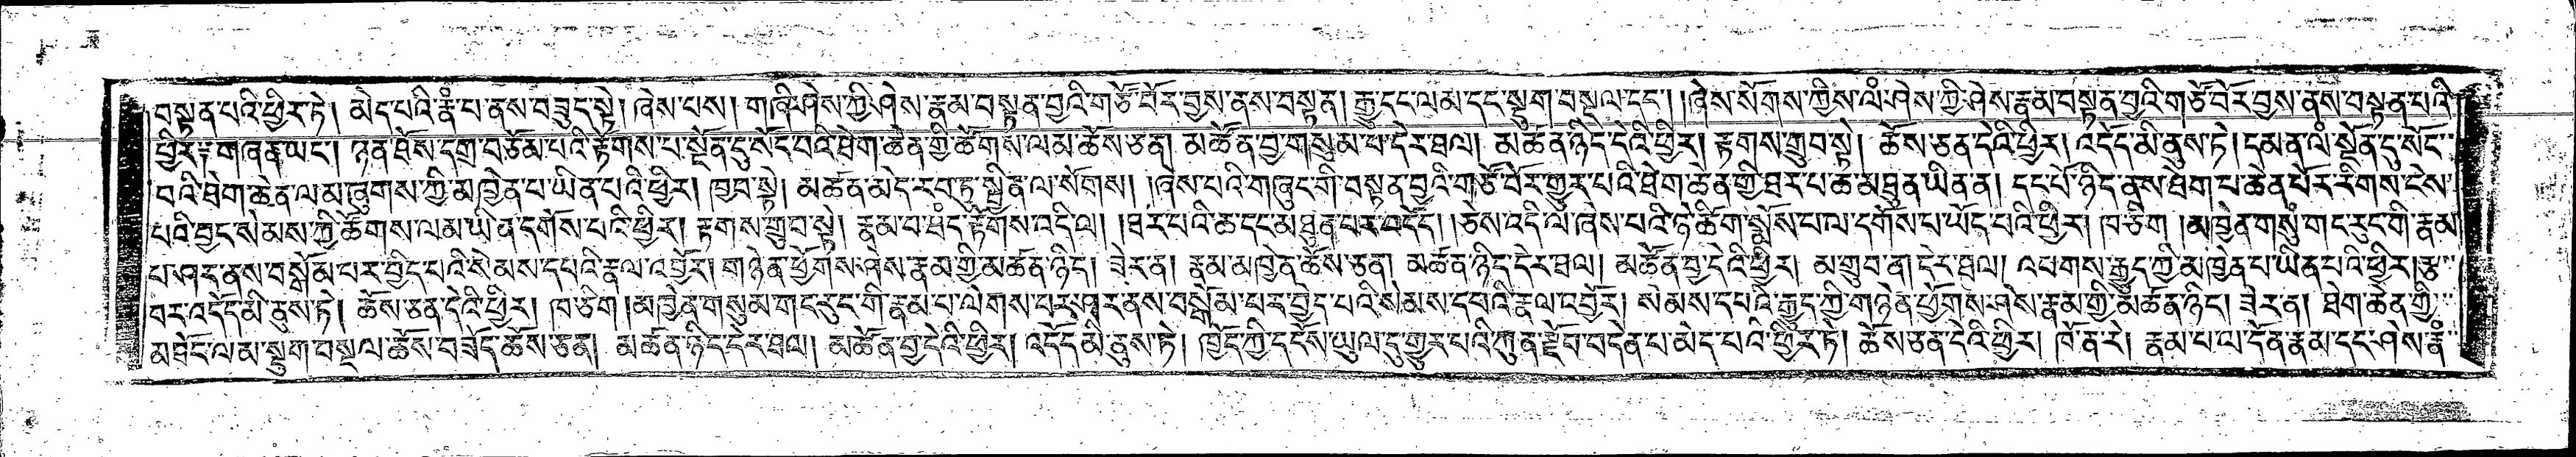བསྟན་པའི་ཕྱིར་ཏེ། མེད་པའི་རྣམ་པ་ནས་བཟུང་སྟེ། ཞེས་པས། གཞི་ཤེས་ཀྱི་ཤེས་རྣམ་བསྟན་བྱའི་གཙོ་བོར་བྱས་ནས་བསྟན། རྒྱུ་དང་ལམ་དང་སྡུག་བསྔལ་དང་། །ཞེས་སོགས་ཀྱིས་ལམ་ཤེས་ཀྱི་ཤེས་རྣམ་བསྟན་བྱའི་གཙོ་བོར་བྱས་ནས་བསྟན་པའི་
ཕྱིར༑ གཞན་ཡང་། ཉན་ཐོས་དགྲ་བཅོམ་པའི་རྟོགས་པ་སྔོན་དུ་སོང་བའི་ཐེག་ཆེན་གྱི་ཚོགས་ལམ་ཆོས་ཅན། མཚོན་བྱ་གསུམ་པ་དེར་ཐལ། མཚན་ཉིད་དེའི་ཕྱིར། རྟགས་གྲུབ་སྟེ། ཆོས་ཅན་དེའི་ཕྱིར། འདོད་མི་ནུས་ཏེ། དམན་ལམ་སྔོན་དུ་སོང་
བའི་ཐེག་ཆེན་ལམ་ཞུགས་ཀྱི་མཁྱེན་པ་ཡིན་པའི་ཕྱིར། ཁྱབ་སྟེ། མཚན་མེད་རབ་ཏུ་སྦྱིན་ལ་སོགས། །ཞེས་པའི་གཞུང་གི་བསྟན་བྱའི་གཙོ་བོར་གྱུར་པའི་ཐེག་ཆེན་གྱི་ཐར་པ་ཆ་མཐུན་ཡིན་ན། དང་པོ་ཉིད་ནས་ཐེག་པ་ཆེན་པོར་རིགས་ངེས་
པའི་བྱང་སེམས་ཀྱི་ཚོགས་ལམ་ཡིན་དགོས་པའི་ཕྱིར། རྟགས་གྲུབ་སྟེ། རྣམ་པ་ཐམ་ཅད་རྟོགས་འདི་ལ། །ཐར་པའི་ཆ་དང་མཐུན་པར་འདོད། །ཅེས་འདི་ལ་ཞེས་པའི་ཉེ་ཚིག་སྨོས་པ་ལ་དགོས་པ་ཡོད་པའི་ཕྱིར། ཁ་ཅིག །མཁྱེན་གསུམ་གང་རུང་གི་རྣམ་
པ་ཤར་ནས་སྒོམ་པར་བྱད་པའི་སེམས་དཔའི་རྣལ་འབྱོར། གཉེན་ཕྱོགས་ཤེས་རྣམ་གྱི་མཚན་ཉིད། ཟེར་ན། རྣམ་མཁྱེན་ཆོས་ཅན། མཚན་ཉིད་དེར་ཐལ། མཚོན་བྱ་དེའི་ཕྱིར། མ་གྲུབ་ན། དེར་ཐལ། འཕགས་རྒྱུད་ཀྱི་མཁྱེན་པ་ཡིན་པའི་ཕྱིར། རྩ་
བར་འདོད་མི་ནུས་ཏེ། ཆོས་ཅན་དེའི་ཕྱིར། ཁ་ཅིག །མཁྱེན་གསུམ་གང་རུང་གི་རྣམ་པ་ལེགས་པར་ཤར་ནས་སྒོམ་པར་བྱེད་པའི་སེམས་དཔའི་རྣལ་འབྱོར། སེམས་དཔའི་རྒྱུད་ཀྱི་གཉེན་ཕྱོགས་ཤེས་རྣམ་གྱི་མཚན་ཉིད། ཟེར་ན། ཐེག་ཆེན་གྱི་
མཐོང་ལམ་སྡུག་བསྔལ་ཆོས་བཟོད་ཆོས་ཅན། མཚན་ཉིད་དེར་ཐལ། མཚོན་བྱ་དེའི་ཕྱིར། འདོད་མི་ནུས་ཏེ། ཁྱོད་ཀྱི་དངོས་ཡུལ་དུ་གྱུར་པའི་ཀུན་རྫོབ་བདེན་པ་མེད་པའི་ཕྱིར་ཏེ། ཆོས་ཅན་དེའི་ཕྱིར། ཁོ་ན་རེ། རྣམ་པ་ལ་དོན་རྣམ་དང་ཤེས་རྣམ་